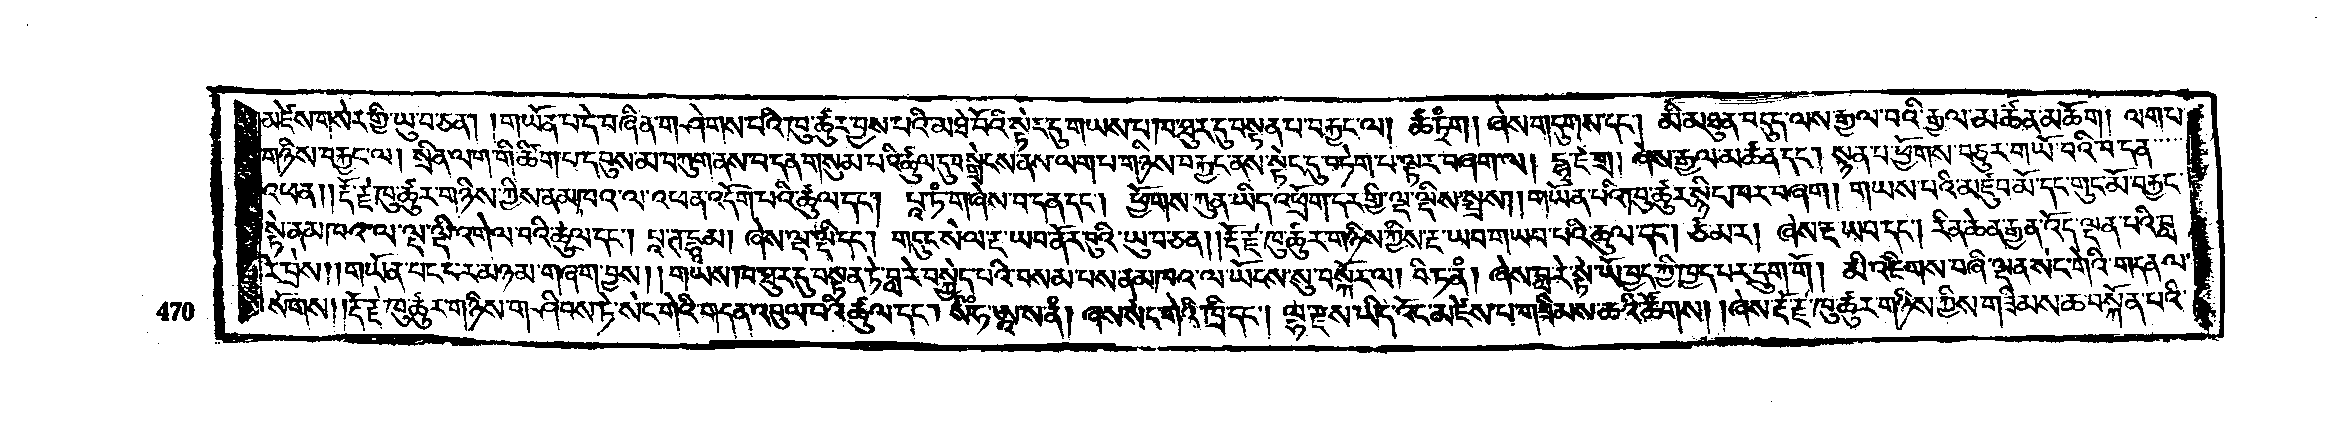མཛེས་གསེར་གྱི་ཡུ་བ་ཅན། །གཡོན་པ་དེ་བཞིན་གཤེགས་པའི་ཁུ་ཚུར་བྱས་པའི་མཐེ་བོའི་སྟེང་དུ་གཡས་པ་ཁ་ཐུར་དུ་བསྟན་པ་བརྐྱང་ལ། ཚ་ཏྲཾ་ག །ཞེས་གདུགས་དང་། མི་མཐུན་བདུད་ལས་རྒྱལ་བའི་རྒྱལ་མཚན་མཆོག །ལག་པ་
གཉིས་བརྐྱང་ལ། སྲིན་ལག་གི་ཚིག་པ་དབུས་མ་བཀུག་ནས་པ་དན་གསུམ་པའི་ཚུལ་དུ་བསྒྲེངས་ནས་ལག་པ་གཉིས་བརྐྱང་ནས་སྟེང་དུ་བཏེག་པ་ལྟར་བཞག་ལ། དྷྭ་ཛ་གྲྭ། ཞེས་རྒྱལ་མཚན་དང་། སྙན་པ་ཕྱོགས་བཅུར་གཡོ་བའི་བ་དན་
འཕན། །རྡོ་རྗེ་ཁུ་ཚུར་གཉིས་ཀྱིས་ནམ་མཁའ་ལ་འཕན་འདོག་པའི་ཚུལ་དང་། པཱ་ཏཾ་ག་ཞེས་པ་དན་དང་། ཕྱོགས་ཀུན་ཡིད་འཕྲོག་དར་གྱི་ལྡ་ལྡིས་སྤྲས། །གཡོན་པའི་ཁུ་ཚུར་སྙིང་ཁར་བཞག །གཡས་པའི་མཛུབ་མོ་དང་གུང་མོ་བརྐྱང་
སྟེ་ནམ་མཁའ་ལ་ལྡ་ལྡི་འགེལ་བའི་ཚུལ་དང་། པཱ་ཊ་དྷཱམ། ཞེས་ལྡ་ལྡི་དང་། གདུང་སེལ་རྔ་ཡབ་ནོར་བུའི་ཡུ་བ་ཅན། །རྡོ་རྗེ་ཁུ་ཚུར་གཉིས་ཀྱིས་རྔ་ཡབ་གཡབ་པའི་ཚུལ་དང་། ཙ་མ་ར། ཞེས་རྔ་ཡབ་དང་། རིན་ཆེན་རྒྱན་འོད་ལྡན་པའི་བླ་
རེ་བྲེས། །གཡོན་པང་པར་མཉམ་གཞག་བྱས། །གཡས་ཁ་ཐུར་དུ་བསྟན་ཏེ་བླ་རེ་བསྐྱེད་པའི་བསམ་པས་ནམ་མཁའ་ལ་ཡོངས་སུ་བསྐོར་ལ། བི་ཏ་ནཾ། ཞེས་བླ་རེ་སྟེ་ཡོ་བྱད་ཀྱི་ཁྱད་པར་དྲུག་གོ །མི་འཇིགས་བཞི་ལྡན་སེང་གེའི་གདན་ལ་
སོགས། །རྡོ་རྗེ་ཁུ་ཚུར་གཉིས་གཤིབས་ཏེ་སེང་གེའི་གདན་འབུལ་བའི་ཚུལ་དང་། སིཾ་ཧ་ཨཱ་ས་ནཾ། ཞེས་སེང་གེའི་ཁྲི་དང་། ལྷ་རྫས་ཡིད་འོང་མཛེས་པ་གཟིམས་ཆའི་ཚོགས། །ཞེས་རྡོ་རྗེ་ཁུ་ཚུར་གཉིས་ཀྱིས་གཟིམས་ཆ་བསྐོན་པའི་